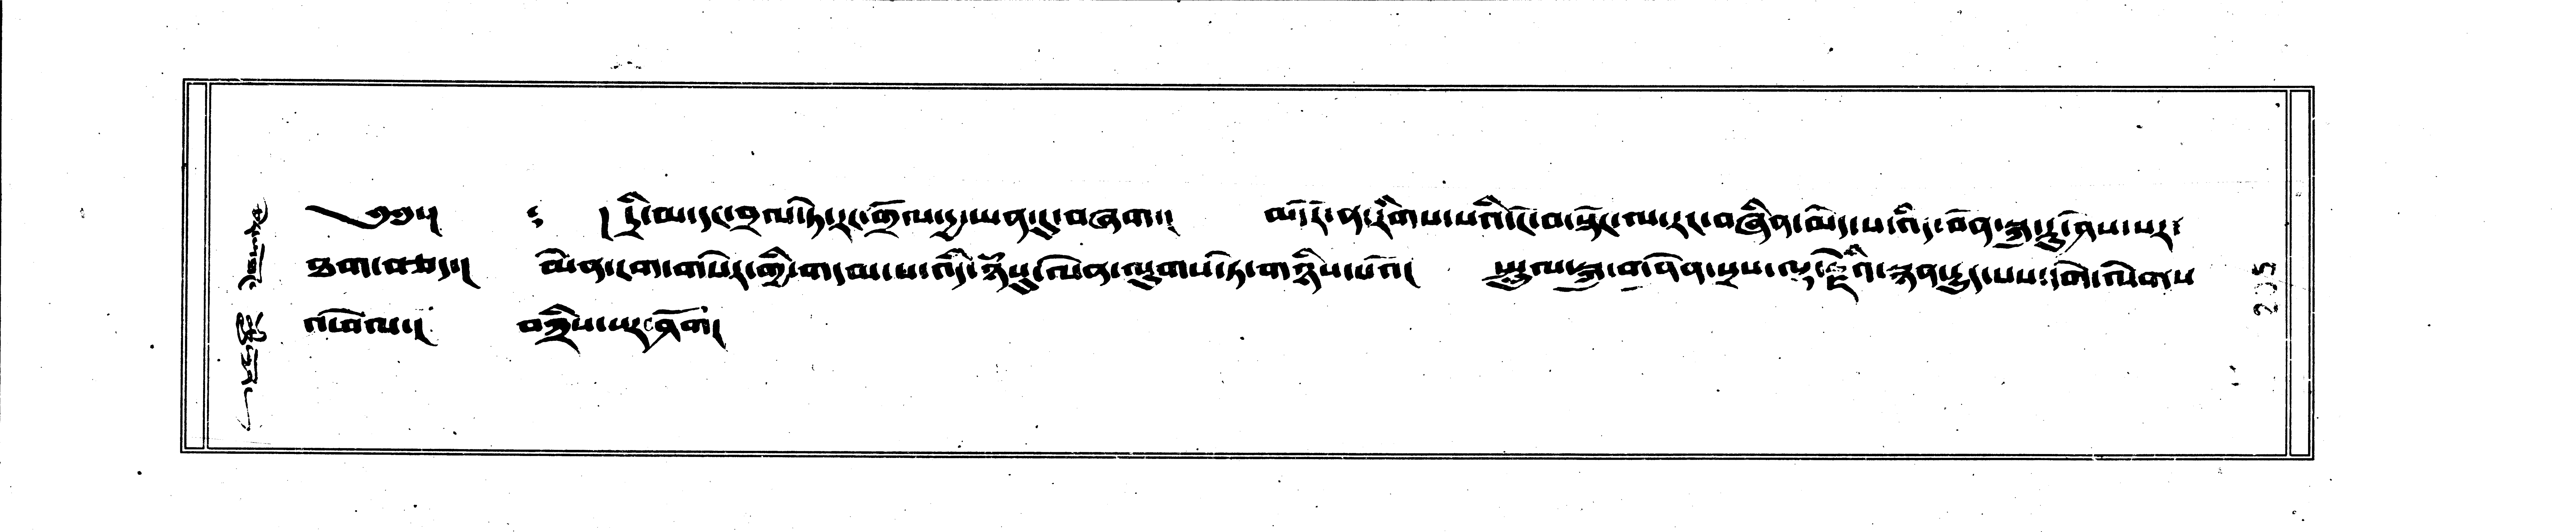དྲི་མ་དང་བྲལ་ཏེ་རང་གྲོལ་རྒྱ་ཡན་དུ་བཞག མདོར་ན་རིག་པའི་ངོའོ་སྟོང་ལ་རང་བཞིན་མེད་པ་ནི། བོན་སྐུ་རུ་ཡིན་པར་
ཐག་བཅད་པའོ། མན་ངག་གསེར་གྱི་གདམ་པའི། ཉམས་སུ་ལེན་ལུགས་ཏེ་གཉིས་པའོ།། “སྤྲུལ་སྐུ་གཤེན་སྲས་ལྷ་རྗེས་སྙན་རྒྱུད་པས་དགེ་ལེགས་
འཕེལ། བཀྲ་ཤིས་པར་ཤོག”